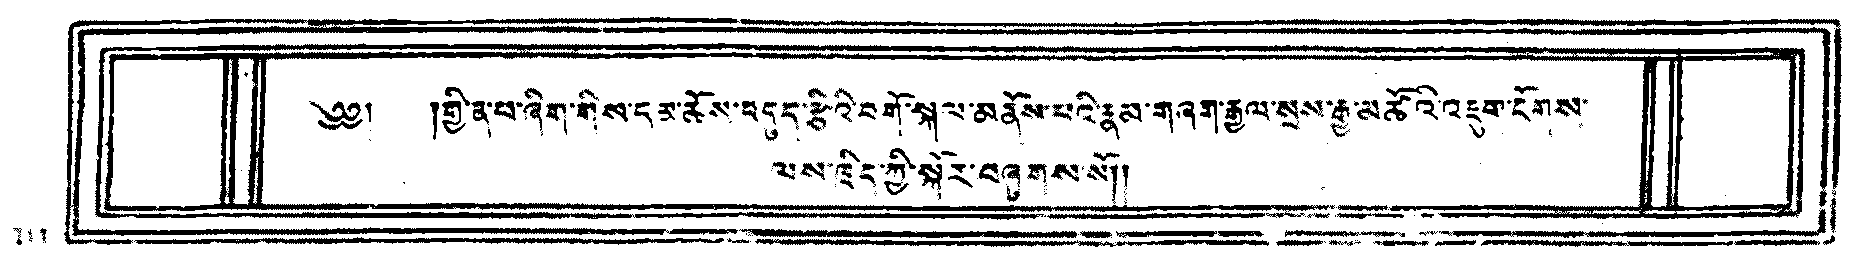༄༅། །གྱི་ན་པ་ཞིག་གིས་དམ་ཆོས་བདུད་རྩིའི་བགོ་སྐལ་མནོས་པའི་རྣམ་གཞག་རྒྱལ་སྲས་རྒྱ་མཚོའི་འཇུག་ངོགས་
ལས་ཁྲིད་ཀྱི་སྐོར་བཞུགས་སོ། །